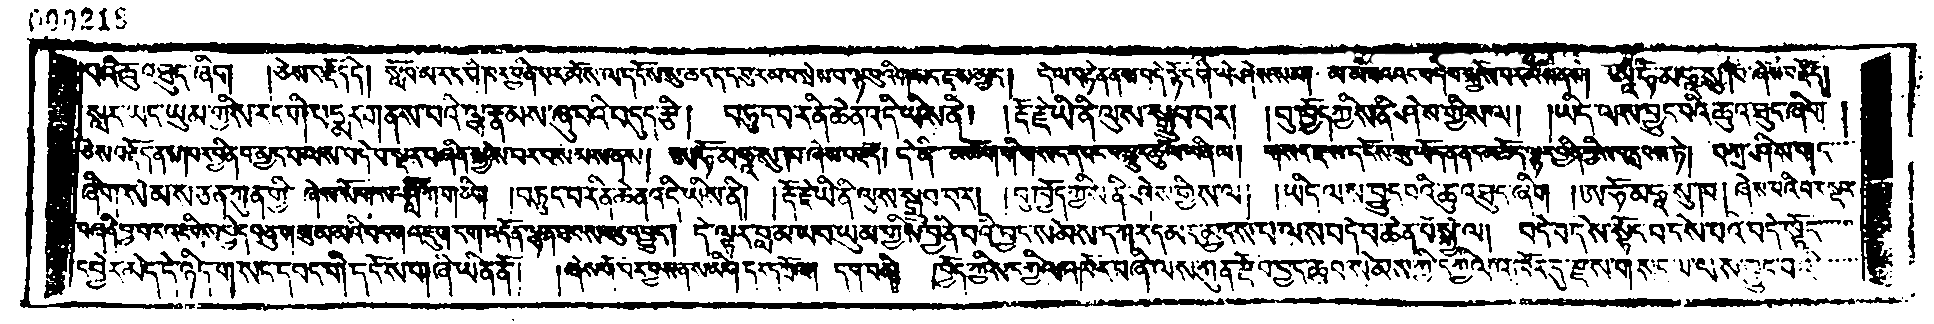བའི་ཆུ་འཐུང་ཞིག ། ཅེས་བརྗོད་དེ། སློབ་མ་རང་གི་ཁར་བྱིན་པར་མོས་ལ་དངོས་སུ་ཆང་དང་བུ་རམ་བསྲེས་པ་ལྟ་བུའི་གསང་རྫས་མྱང་། དེ་ལ་བརྟེན་ནས་བདེ་སྟོང་གི་ཡེ་ཤེས་སམ། མ་མཐའ་འང་བདེ་བ་སྐྱེས་བར་མོས་ནས།  ཨཱ་ཧོ་མཧཱ་སུ་ཁ་ཞེས་བརྗོད།
སླར་ཡང་ཡུམ་གྱིས་རང་གི་པདམར་གནས་པའི་ལྷ་རྣམས་ཞུ་བའི་བདུད་རྩི། བཏུང་བ་རིན་ཆེན་འདི་ཡིས་ནི། །རྡོ་རྗེ་ཡི་ནི་ལུས་སྒྲུབ་པར། །བུ་ཁྱོད་ཀྱིས་ནི་ཤེས་གྱིས་ལ། །ཡིད་ལས་བྱུང་བའི་ཆུ་འཐུང་ཞིག །
ཅེས་བརྗོད་ནས་ཁར་བྱིན་པ་མྱང་བ་ལས་བདེ་བ་སྔར་བཞིན་སྐྱེས་པར་བསམས་ནས།  ཨ་ཧོ་མཧཱ་སུ་ཁ་ཞེས་བརྗོད། དེ་ནི་མཆོག་གི་གསང་དབང་བསྐུར་ཚུལ་ཡིན་ལ། གསང་རྫས་དངོས་སུ་ཡོད་ན་ནང་མཆོད་ལྟར་བྱིན་གྱིས་བརླབས་ཏེ།  བཀྲ་ཤིས་གང་
ཞིག་སེམས་ཅན་ཀུན་གྱི་ཞེས་སོགས་ཤླཽ་ཀ་གཅིག་།བཏུང་བ་རིན་ཆེན་འདི་ཡིས་ནི། །རྡོ་རྗེ་ཡི་ནི་ལུས་སྒྲུབ་བར། །བུ་ཁྱོད་ཀྱིས་ནི་ཤེས་གྱིས་ལ། །ཡིད་ལས་བྱུང་བའི་ཆུ་འཐུང་ཞིག །ཨ་ཧོ་མཧཱ་སུ་ཁ། ཞེས་པའི་བར་སྔར་
བཞིན་བྱ་བར་འཇིགས་བྱེད་བཅུ་གསུམ་མའི་བདག་འཇུག་ངག་འདོན་ལྷན་ཐབས་སུ་འབྱུང་། དེ་ལྟར་བླ་མ་ཡབ་ཡུམ་གྱིས་བྱིན་པའི་བྱང་སེམས་དཀར་དམར་མྱ་ངས་པ་ལས་བདེ་བ་ཆེན་པོ་སྐྱེ་ལ། བདེ་བ་དེས་སྟོང་པ་ངེས་པའི་བདེ་སྟོང་
དབྱེར་མེད་དེ་ཉིད་གསང་དབང་གི་དངོས་གཞི་ཡིན་ནོ། །ཞེས་གོ་བར་བྱས་ནས་མིག་དར་དཀྲོལ། དག་པ་ནི།  ཁྱོད་ཀྱིས་དཀྱིལ་འཁོར་བཞི་ལས་ཀུན་རྫོབ་བྱང་ཆུབ་སེམས་ཀྱི་དཀྱིལ་འཁོར་དུ་རྫས་གསང་བ་ལས་བྱུང་བའི་